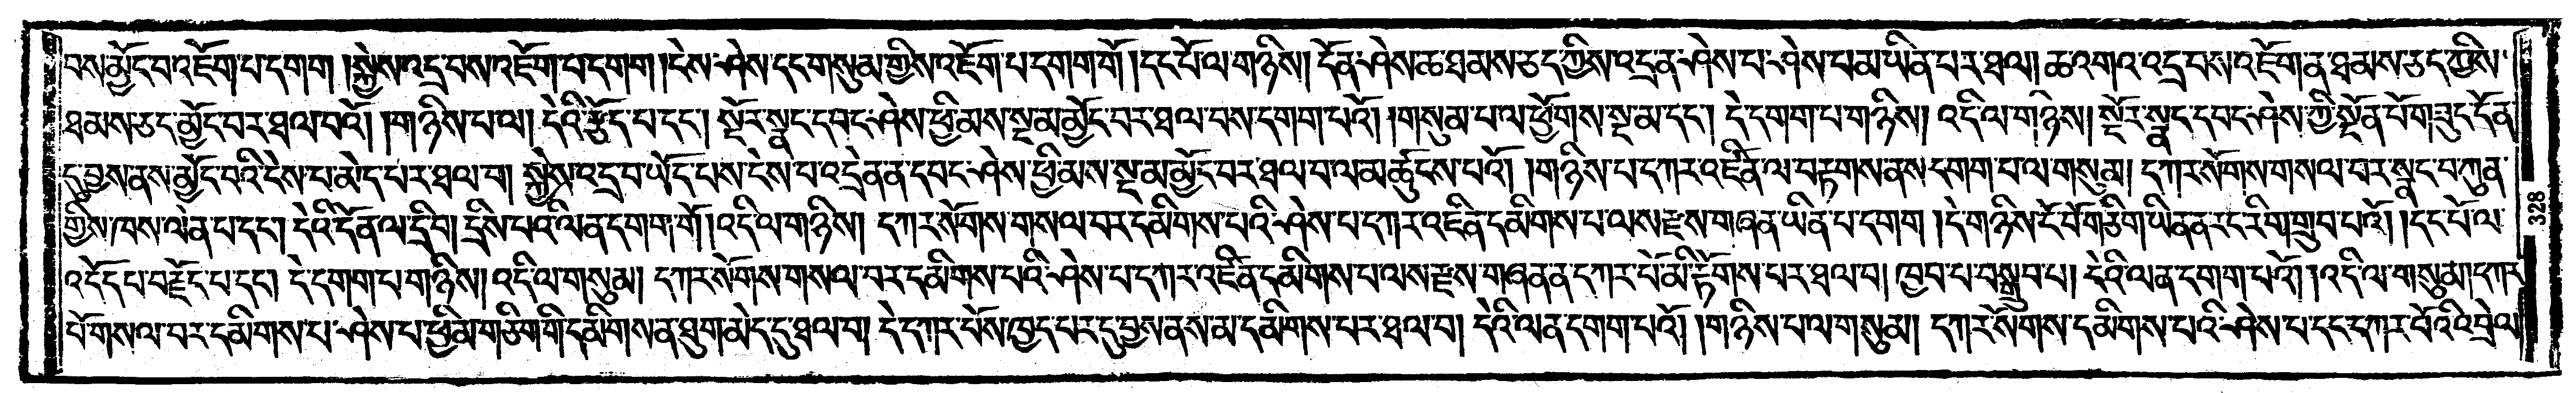བས་མྱོང་བ་འཇོག་པ་དགག །སྐྱེས་འདྲ་བས་འཇོག་པ་དགག །ངེས་ཤེས་དང་གསུམ་གྱིས་འཇོག་པ་དགག་གོ །དང་པོ་ལ་གཉིས། དོན་ཤེས་ཆ་ཐམས་ཅད་ཀྱིས་འདྲ་ན་ཤེས་པ་ཤེས་པ་མ་ཡིན་པར་ཐལ། ཆ་འགའ་འདྲ་བས་འཇོག་ན་ཐམས་ཅད་ཀྱིས་
ཐམས་ཅད་མྱོང་བར་ཐལ་བའོ། །གཉིས་པ་ལ། དེའི་རྩོད་པ་དང་། སྔོར་སྣང་དབང་ཤེས་ཕྱི་མས་སྔ་མ་མྱོང་བར་ཐལ་བས་དགག་པའོ། །གསུམ་པ་ལ་ཕྱོགས་སྔ་མ་དང་། དེ་དགག་པ་གཉིས། འདི་ལ་གཉིས། སྔོར་སྣང་དབང་ཤེས་ཀྱི་སྔོན་པོ་གཟུང་དོན་
དུ་བྱས་ནས་མྱོང་བའི་ངེས་པ་མེད་པར་ཐལ་བ། སྐྱེས་འདྲ་བ་ཡོད་པས་ངེས་པ་འདྲེན་ན་དབང་ཤེས་ཕྱི་མས་སྔ་མ་མྱོང་བར་ཐལ་བ་ལ་མཚུངས་པའོ། །གཉིས་པ་དཀར་འཛིན་ལ་བརྟགས་ནས་དགག་པ་ལ་གསུམ། དཀར་སོགས་གསལ་བར་སྣང་བ་ཀུན་
གྱིས་ཁས་ལེན་པ་དང་། དེའི་དོན་ལ་དྲི་བ། དྲིས་པའི་ལན་དགག་གོ །འདི་ལ་གཉིས། དཀར་སོགས་གསལ་བར་དམིགས་པའི་ཤེས་པ་དཀར་འཛིན་དམིགས་པ་ལས་རྫས་གཞན་ཡིན་པ་དགག །དེ་གཉིས་ངོ་བོ་གཅིག་ཡིན་ན་རང་རིག་གྲུབ་པའོ། །དང་པོ་ལ་
འདོད་པ་བརྗོད་པ་དང་། དེ་དགག་པ་གཉིས། འདི་ལ་གསུམ། དཀར་སོགས་གསལ་བར་དམིགས་པའི་ཤེས་པ་དཀར་འཛིན་དམིགས་པ་ལས་རྫས་གཞན་ན་དཀར་པོ་མི་རྟོགས་པར་ཐལ་བ། ཁྱབ་པ་བསྒྲུབ་པ། དེའི་ལན་དགག་པའོ། །འདི་ལ་གསུམ། དཀར་
པོ་གསལ་བར་དམིགས་པ་ཤེས་པ་ཕྱི་མ་གཅིག་གི་དམིགས་ན་ཐུག་མེད་དུ་ཐལ་བ། དེ་དཀར་པོས་ཁྱད་པར་དུ་བྱས་ནས་མ་དམིགས་པར་ཐལ་བ། དེའི་ལན་དགག་པའོ། །གཉིས་པ་ལ་གསུམ། དཀར་སོགས་དམིགས་པའི་ཤེས་པ་དང་དཀར་པོའི་འབྲེལ་